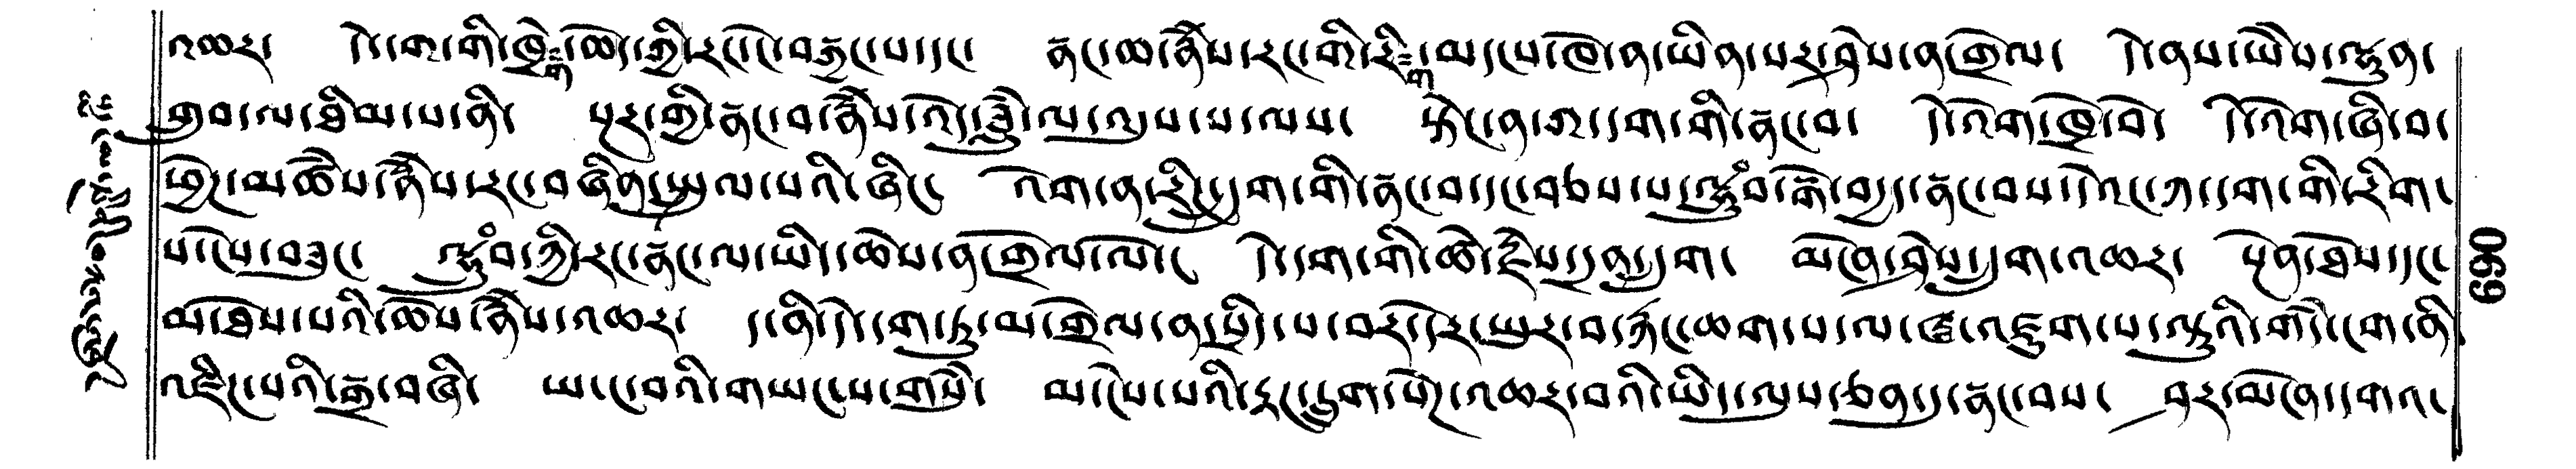འཆར། དེ་དག་གི་ཁྲེགས་ཆོད་ཀྱི་རང་ངོ་བསྐྱང་པ་དང་། སྣང་ཆ་རྣམས་རང་གི་རིག་མདངས་ཁོ་ན་ཡིན་པར་ཤེས་ན་གྲོལ། དེ་ནས་ཡེ་ཤེས་ལྷུན་
གྲུབ་ལ་ཐིམ་པ་ནི། སྔར་གྱི་སྣང་བ་རྣམས་འོད་ཟླུམ་ལ་འདུས་པ་ལས། སྟེང་ན་ཀ་དག་གི་སྣང་བ། དེ་འོག་ཁྲོ་བོ། དེ་འོག་ཞི་བ་
ཕྱོགས་མཚམས་རྣམས་རང་བཞིན་སྤྲུལ་པའི་ཞིང་། འོག་ན་རིགས་དྲུག་གི་སྣང་བ་དང་བཅས་པ་ལྷུན་གྲུབ་སྒོ་བརྒྱད་ཀྱི་སྣང་བས་དེའང་ཀ་དག་གི་རིག་
པ་ངོས་བཟུང་། ལྷུན་གྲུབ་ཀྱི་རང་སྣང་ལ་ཡིད་ཆེས་ན་གྲོལ་ལོ། དེ་དག་གི་ཚེ་རྗེས་དྲན་དྲུགམངོན་ཤེས་དྲུག་འཆར། སྔོན་ཐོས་དང་
མ་ཐོས་པའི་ཆོས་རྣམས་འཆར། ད་ནི་དེ་དག་ཏུ་མ་གྲོལ་ན་སྲིད་པ་བར་དོར་ཡུར་བ་རྐང་ཆག་པ་ལ་ཝ་འཛུག་པ་ལྟ་བུའི་གདམས་ངག་ནི་
འཇིགས་པའི་སྒྲ་བཞི། ཡ་ང་བའི་གཡང་ས་གསུམ། མ་ངེས་པའི་རྟགས་དྲུག་སོགས་འཆར་བའི་ཡིད་ལུས་ཅན་དུ་སྣང་བས། ཤར་མངོན་དགའ།